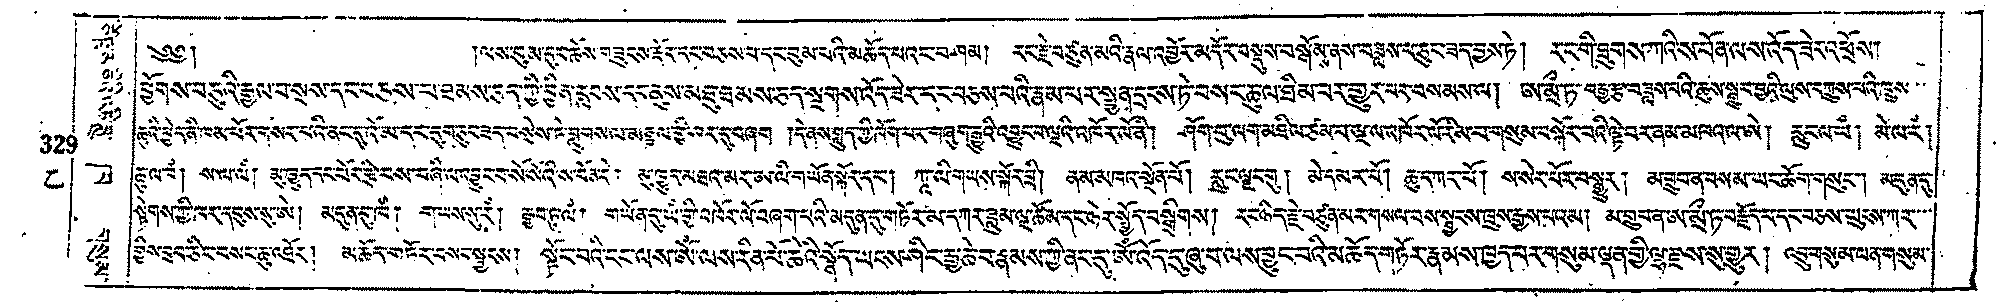༄༅། །ལས་བུམ་དུང་ཆོས་གཟུངས་རྡོར་དང་བཅས་པ་དང་བུམ་པའི་མཆོད་པའང་བཤམ། རང་རྗེ་བཙུན་མའི་རྣལ་འབྱོར་མདོར་བསྡུས་བསྒོམས་ནས་བཟླས་པ་ཅུང་ཟད་བྱས་ཏེ། རང་གི་ཐུགས་ཀའི་ས་བོན་ལས་འོད་ཟེར་འཕྲོས།
ཕྱོགས་བཅུའི་རྒྱལ་བ་སྲས་དང་བཅས་པ་ཐམས་ཅད་ཀྱི་བྱིན་རླབས་དང་ནུས་མཐུ་ཐམས་ཅད་སྔགས་འོད་ཟེར་དང་བཅས་པའི་རྣམ་པར་སྤྱན་དྲངས་ཏེ་བསང་ཆུ་ལ་ཐིམ་པར་གྱུར་པར་བསམས་ལ།  ཨ་མྲྀ་ཏ་བརྒྱ་རྩ་བཟླས་པའི་ཆུས་སྒྲུབ་བྱའི་ལུས་བཀྲུས་པའི་ཁྲུས་་་
ཆུའི་ཕྱེད་ནི་ཁམ་ཕོར་གསར་པའི་ནང་དུ་འོ་མ་དང་དུག་ཅུང་ཟད་བསྲེས་ཏེ་བླུགས་ལ་མཎྜལ་གྱི་ཤར་དུ་བཞག །དེ་ནས་གླུད་ཀྱི་ཁོག་པར་གཞུག་རྒྱུའི་འབྱུང་བ་ལྔའི་འཁོར་ལོ་ནི། ཤོག་བུ་ལག་མཐིལ་ཙམ་པ་ལྔ་ལ་འཁོར་ལོ་རིམ་པ་གསུམ་བསྐོར་བའི་ལྟེ་བར་ནམ་མཁའ་ལ་ཨེ། རླུང་ལ་ཡཾ། མེ་ལ་རཾ།
ཆུ་ལ་ཁཾ། ས་ལ་ལཾ། མུ་ཁྱུད་དང་པོར་རྩིབས་བཞི་ལ་འབྱུང་བ་སོ་སོའི་ས་བོན་རེ། མུ་ཁྱུད་མཐའ་མར་ཨ་ལི་གཡོན་སྐོར་དང་། ཀཱ་ལི་གཡས་སྐོར་བྲི། ནམ་མཁའ་སྔོན་པོ། རླུང་ལྗང་གུ། མེ་དམར་པོ། ཆུ་དཀར་པོ། ས་སེར་པོར་བསྒྱུར། མ་གྲུབ་ན་བསམ་ཡང་ཆོག་གསུང་། མདུན་དུ་
སྟེགས་ཀྱི་ཁར་དབུགས་སུ་ཨེ། མདུན་དུ་ཁཾ། གཡས་སུ་རཾ། རྒྱབ་ཏུ་ལཾ། གཡོན་དུ་ཡཾ་གྱི་འཁོར་ལོ་བཞག་པའི་མདུན་དུ་གཏོར་མ་དཀར་ཟླུམ་ལྔ་ཚོམ་དང་ཉེར་སྤྱོད་བསྒྲིགས། རང་ཉིད་རྗེ་བཙུན་མར་གསལ་བས་སྦྱངས་ཁྲུས་རྒྱས་པའམ། མ་གྲུབ་ན་ཨ་མྲྀ་ཏ་བརྗོད་པ་དང་བཅས་ཡུངས་ཀར་་་
གྱིས་བྲབ་ཅིང་བསང་ཆུ་འཐོར། མཆོད་གཏོར་བསང་སྦྱངས། སྟོང་པའི་ངང་ལས་ཨོཾ་ལས་རིན་པོ་ཆེའི་སྣོད་ཡངས་ཤིང་རྒྱ་ཆེ་བ་རྣམས་ཀྱི་ནང་དུ་ཨོཾ་འོད་དུ་ཞུ་བ་ལས་བྱུང་བའི་མཆོད་གཏོར་རྣམས་ཁྱད་པར་གསུམ་ལྡན་གྱི་ལྷ་རྫས་སུ་གྱུར། འབྲུ་གསུམ་ལན་གསུམ་